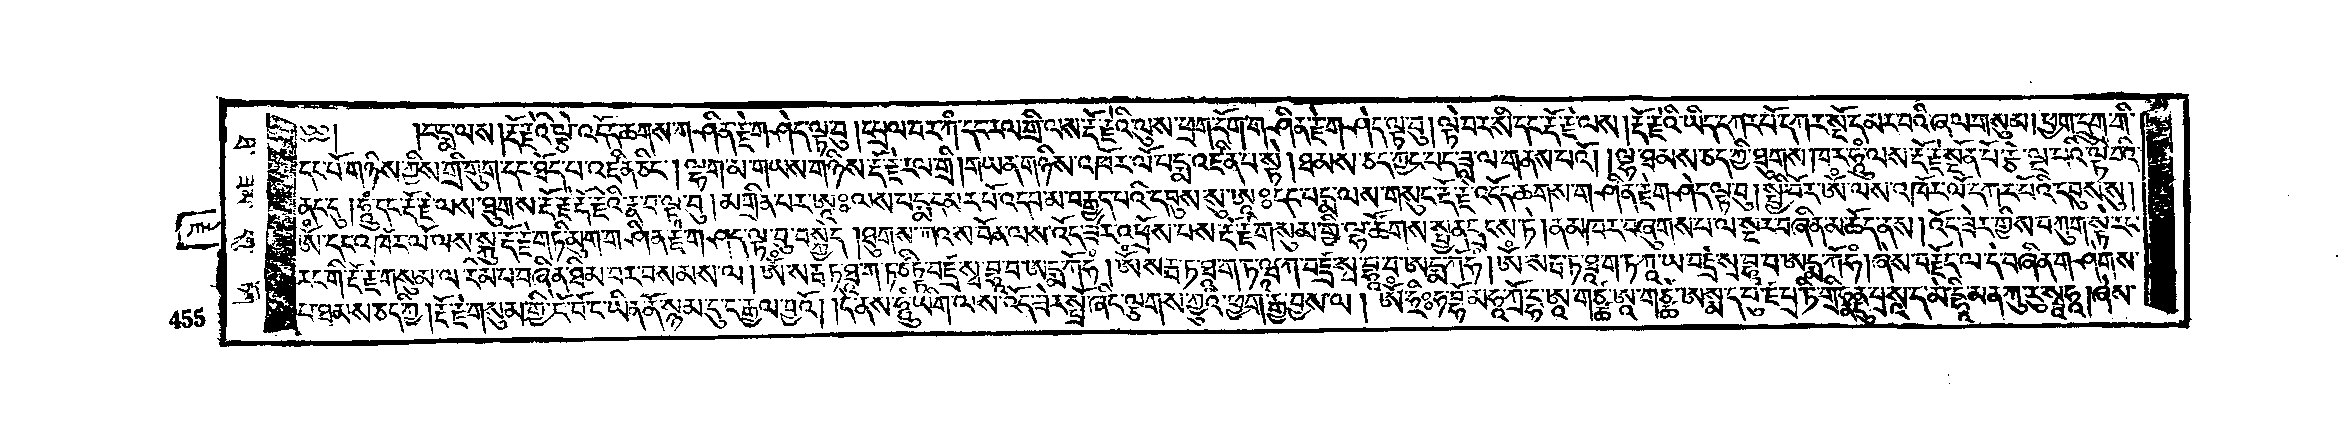༄༅། །པདམ་ལས། རྡོ་རྗེའི་ལྕེ་འདོད་ཆགས་གཤིན་རྗེ་གཤེད་ལྟ་བུ། དཔྲལ་བར་ཀཾ་དང་རལ་གྲི་ལས་རྡོ་རྗེའི་ལུས་ཕྲག་དོག་གཤིན་རྗེ་གཤེད་ལྟ་བུ། ལྟེ་བར་སཾ་དང་རྡོ་རྗེ་ལས། རྡོ་རྗེའི་ཡིད་དཀར་པོ་དཀར་སྔོ་དམར་བའི་ཞལ་གསུམ། ཕྱག་དྲུག་གི་
དང་པོ་གཉིས་ཀྱིས་གྲི་གུག་དང་ཐོད་པ་འཛིན་ཅིང་། ལྷག་མ་གཡས་གཉིས་རྡོ་རྗེ་རལ་གྲི། གཡན་གཉིས་འཁོར་ལོ་པདམ་འཛིན་པ་སྟེ། ཐམས་ཅད་ཀྱང་པད་ཟླ་ལ་གནས་པའོ། །ལྷ་ཐམས་ཅད་ཀྱི་ཐུགས་ཁར་ཧཱུཾ་ལས་རྡོ་རྗེ་སྔོན་པོ་རྩེ་ལྔ་པའི་ལྟེ་བའི་
ནང་དུ། ཧཱུཾ་དང་རྡོ་རྗེ་ལས་ཐུགས་རྡོ་རྗེ་རྡོ་རྗེའི་རྣ་བ་ལྟ་བུ། མགྲིན་པར་ཨཱཿ ལས་པདམ་དམར་པོ་འདབ་མ་བརྒྱད་པའི་དབུས་སུ་ཨཱཿ དང་པདམ་ལས་གསུང་རྡོ་རྗེ་འདོད་ཆགས་གཤིན་རྗེ་གཤེད་ལྟ་བུ། སྤྱི་བོར་ཨོཾ་ལས་འཁོར་ལོ་དཀར་པོའི་དབུས་སུ།
ཨོཾ་དང་འཁོར་ལོ་ལས་སྐུ་རྡོ་རྗེ་གཏི་མུག་གཤིན་རྗེ་གཤེད་ལྟ་བུ་བསྐྱེད། ཐུགས་ཀའི་ས་བོན་ལས་འོད་ཟེར་འཕྲོས་པས་རྡོ་རྗེ་གསུམ་གྱི་ལྷ་ཚོགས་སྤྱན་དྲངས་ཏེ། ནམ་མཁར་བཞུགས་པ་ལ་སྔར་བཞིན་མཆོད་ནས། འོད་ཟེར་གྱིས་བཀུག་སྟེ་རང་
རང་གི་རྡོ་རྗེ་གསུམ་ལ་རིམ་པ་བཞིན་ཐིམ་པར་བསམས་ལ། ཨོཾ་སརྦ་ཏ་ཐཱ་ག་ཏ་ཙིཏྟ་བཛྲ་སྭ་བྷཱ་བ་ཨདམ་ཀོཧཾ། ཨོཾ་སརྦ་ཏ་ཐཱ་ག་ཏ་ཝཱ་ཀ་བཛྲ་སྭ་བྷཱ་བ་ཨདམ་ཀོཧཾ། ཨོཾ་སརྦ་ཏ་ཐཱ་ག་ཏ་ཀཱ་ཡ་བཛྲ་སྭ་བྷཱ་བ་ཨདམ་ཀོཧཾ། ཞེས་བརྗོད་ལ་དེ་བཞིན་གཤེགས་
པ་ཐམས་ཅད་ཀྱི། རྡོ་རྗེ་གསུམ་གྱི་ངོ་བོ་ང་ཡིན་ནོ་སྙམ་དུ་ང་རྒྱལ་བྱའོ། །དེ་ནས་ཧཱུཾ་ཡིག་ལས་འོད་ཟེར་སྤྲོ་ཞིང་ལྕགས་ཀྱུའི་ཕྱག་རྒྱ་བྱས་ལ། ཨོཾ་ཧྲིཿ ཧ་བྷོ་མཧཱ་ཀྲོ་དྷ་ཨཱ་གཙྪ་ཨཱ་གཙྪ་ཨསྨ་ད་པཱུ་ཛ་པྲ་ཏི་གྲིཧྣནྡུ་པྲ་སཱ་ད་མེ་དྷཱི་མན་ཀུ་རུ་སྭཱཧཱ། ཞེས་